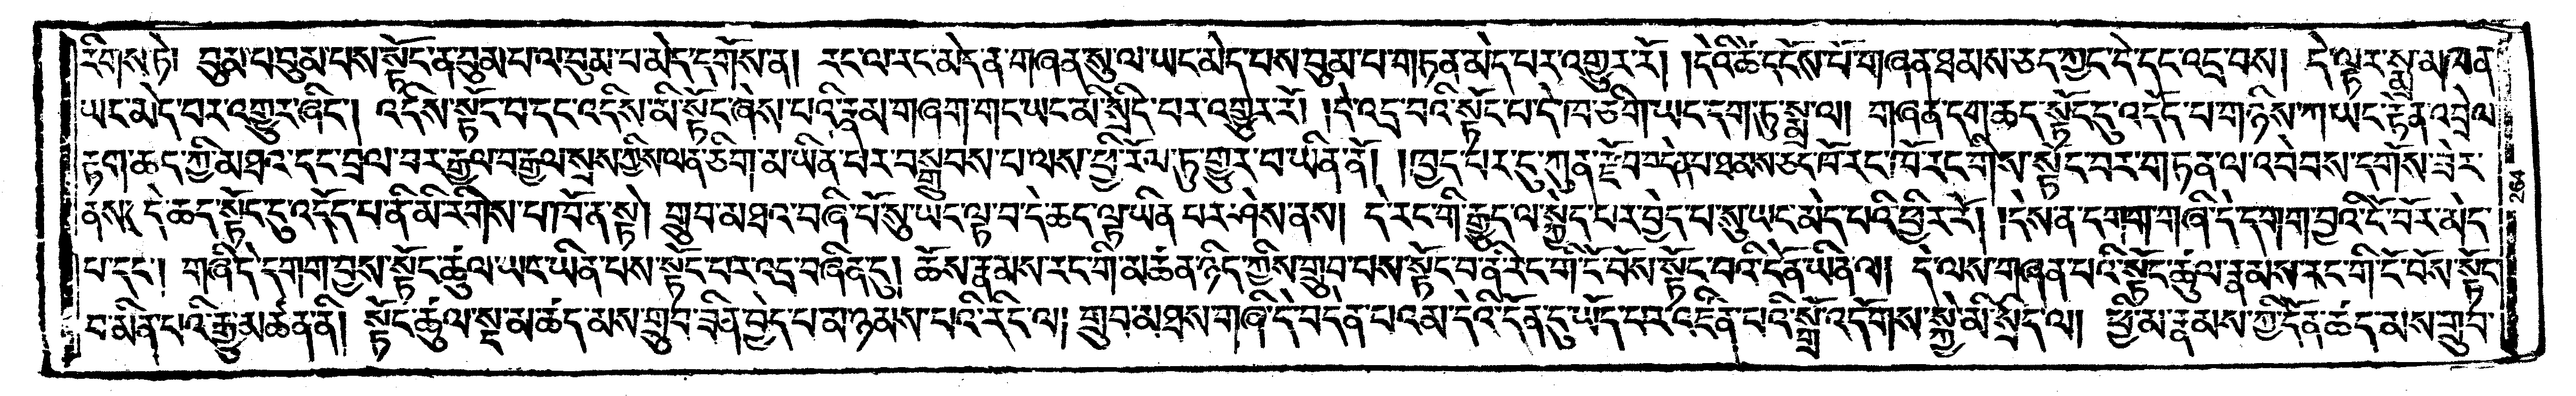རིགས་ཏེ། བུམ་པ་བུམ་པས་སྟོང་ན་བུམ་པ་ལ་བུམ་པ་མེད་དགོས་ན། རང་ལ་རང་མེད་ན་གཞན་སུ་ལ་ཡང་མེད་པས་བུམ་པ་གཏན་མེད་པར་འགྱུར་རོ། །དེའི་ཚེ་དངོས་པོ་གཞན་ཐམས་ཅད་ཀྱང་དེ་དང་འདྲ་བས། དེ་ལྟར་སྨྲ་མཁན་
ཡང་མེད་པར་འགྱུར་ཞིང་། འདིས་སྟོང་པ་དང་འདིས་མི་སྟོང་ཞེས་པའི་རྣམ་གཞག་གང་ཡང་མི་སྲིད་པར་འགྱུར་རོ། །དེ་འདྲ་བའི་སྟོང་པ་དེ་ཁ་ཅིག་ཡང་དག་ཏུ་སྨྲ་ལ། གཞན་དག་ཆད་སྟོང་དུ་འདོད་པ་གཉིས་ཀ་ཡང་རྟེན་འབྲེལ་
རྟག་ཆད་ཀྱི་མཐའ་དང་བྲལ་བར་རྒྱལ་བ་རྒྱལ་སྲས་ཀྱིས་ལན་ཅིག་མ་ཡིན་པར་བསྒྲུབས་པ་ལས་ཕྱི་རོལ་ཏུ་གྱུར་པ་ཡིན་ནོ། །ཁྱད་པར་དུ་ཀུན་རྫོབ་བདེན་པ་ཐམས་ཅད་ཁོ་རང་ཁོ་རང་གིས་སྟོང་པར་གཏན་ལ་འབེབས་དགོས་ཟེར་
ནས༑ དེ་ཆད་སྟོང་དུ་འདོད་པ་ནི་མི་རིགས་པ་ཁོ་ན་སྟེ། གྲུབ་མཐའ་བཞི་པོ་སུ་ཡང་ལྟ་བ་དེ་ཆད་ལྟ་ཡིན་པར་ཤེས་ནས། དེ་རང་གི་རྒྱུད་ལ་སྐྱེད་པར་བྱེད་པ་སུ་ཡང་མེད་པའི་ཕྱིར་རོ། །དེས་ན་དགག་གཞི་དེ་དགག་བྱའི་ངོ་བོར་མེད་
པ་དང་། གཞི་དེ་དགག་བྱས་སྟོང་ཚུལ་ཡང་ཡིན་པས་སྟོང་པར་འདྲ་བཞིན་དུ། ཆོས་རྣམས་རང་གི་མཚན་ཉིད་ཀྱིས་གྲུབ་པས་སྟོང་པ་ནི་རང་གི་ངོ་བོས་སྟོང་པའི་དོན་ཡིན་ལ། དེ་ལས་གཞན་པའི་སྟོང་ཚུལ་རྣམས་རང་གི་ངོ་བོས་སྟོང་
པ་མིན་པའི་རྒྱུ་མཚན་ནི། སྟོང་ཚུལ་སྔ་མ་ཚད་མས་གྲུབ་ཟིན་བྱེད་པ་མ་ཉམས་པའི་རིང་ལ། གྲུབ་མཐས་གཞི་དེ་བདེན་པའམ་དེའི་དོན་དུ་ཡོད་པར་འཛིན་པའི་སྒྲོ་འདོགས་སྐྱེ་མི་སྲིད་ལ། ཕྱི་མ་རྣམས་ཀྱི་དོན་ཚད་མས་གྲུབ་